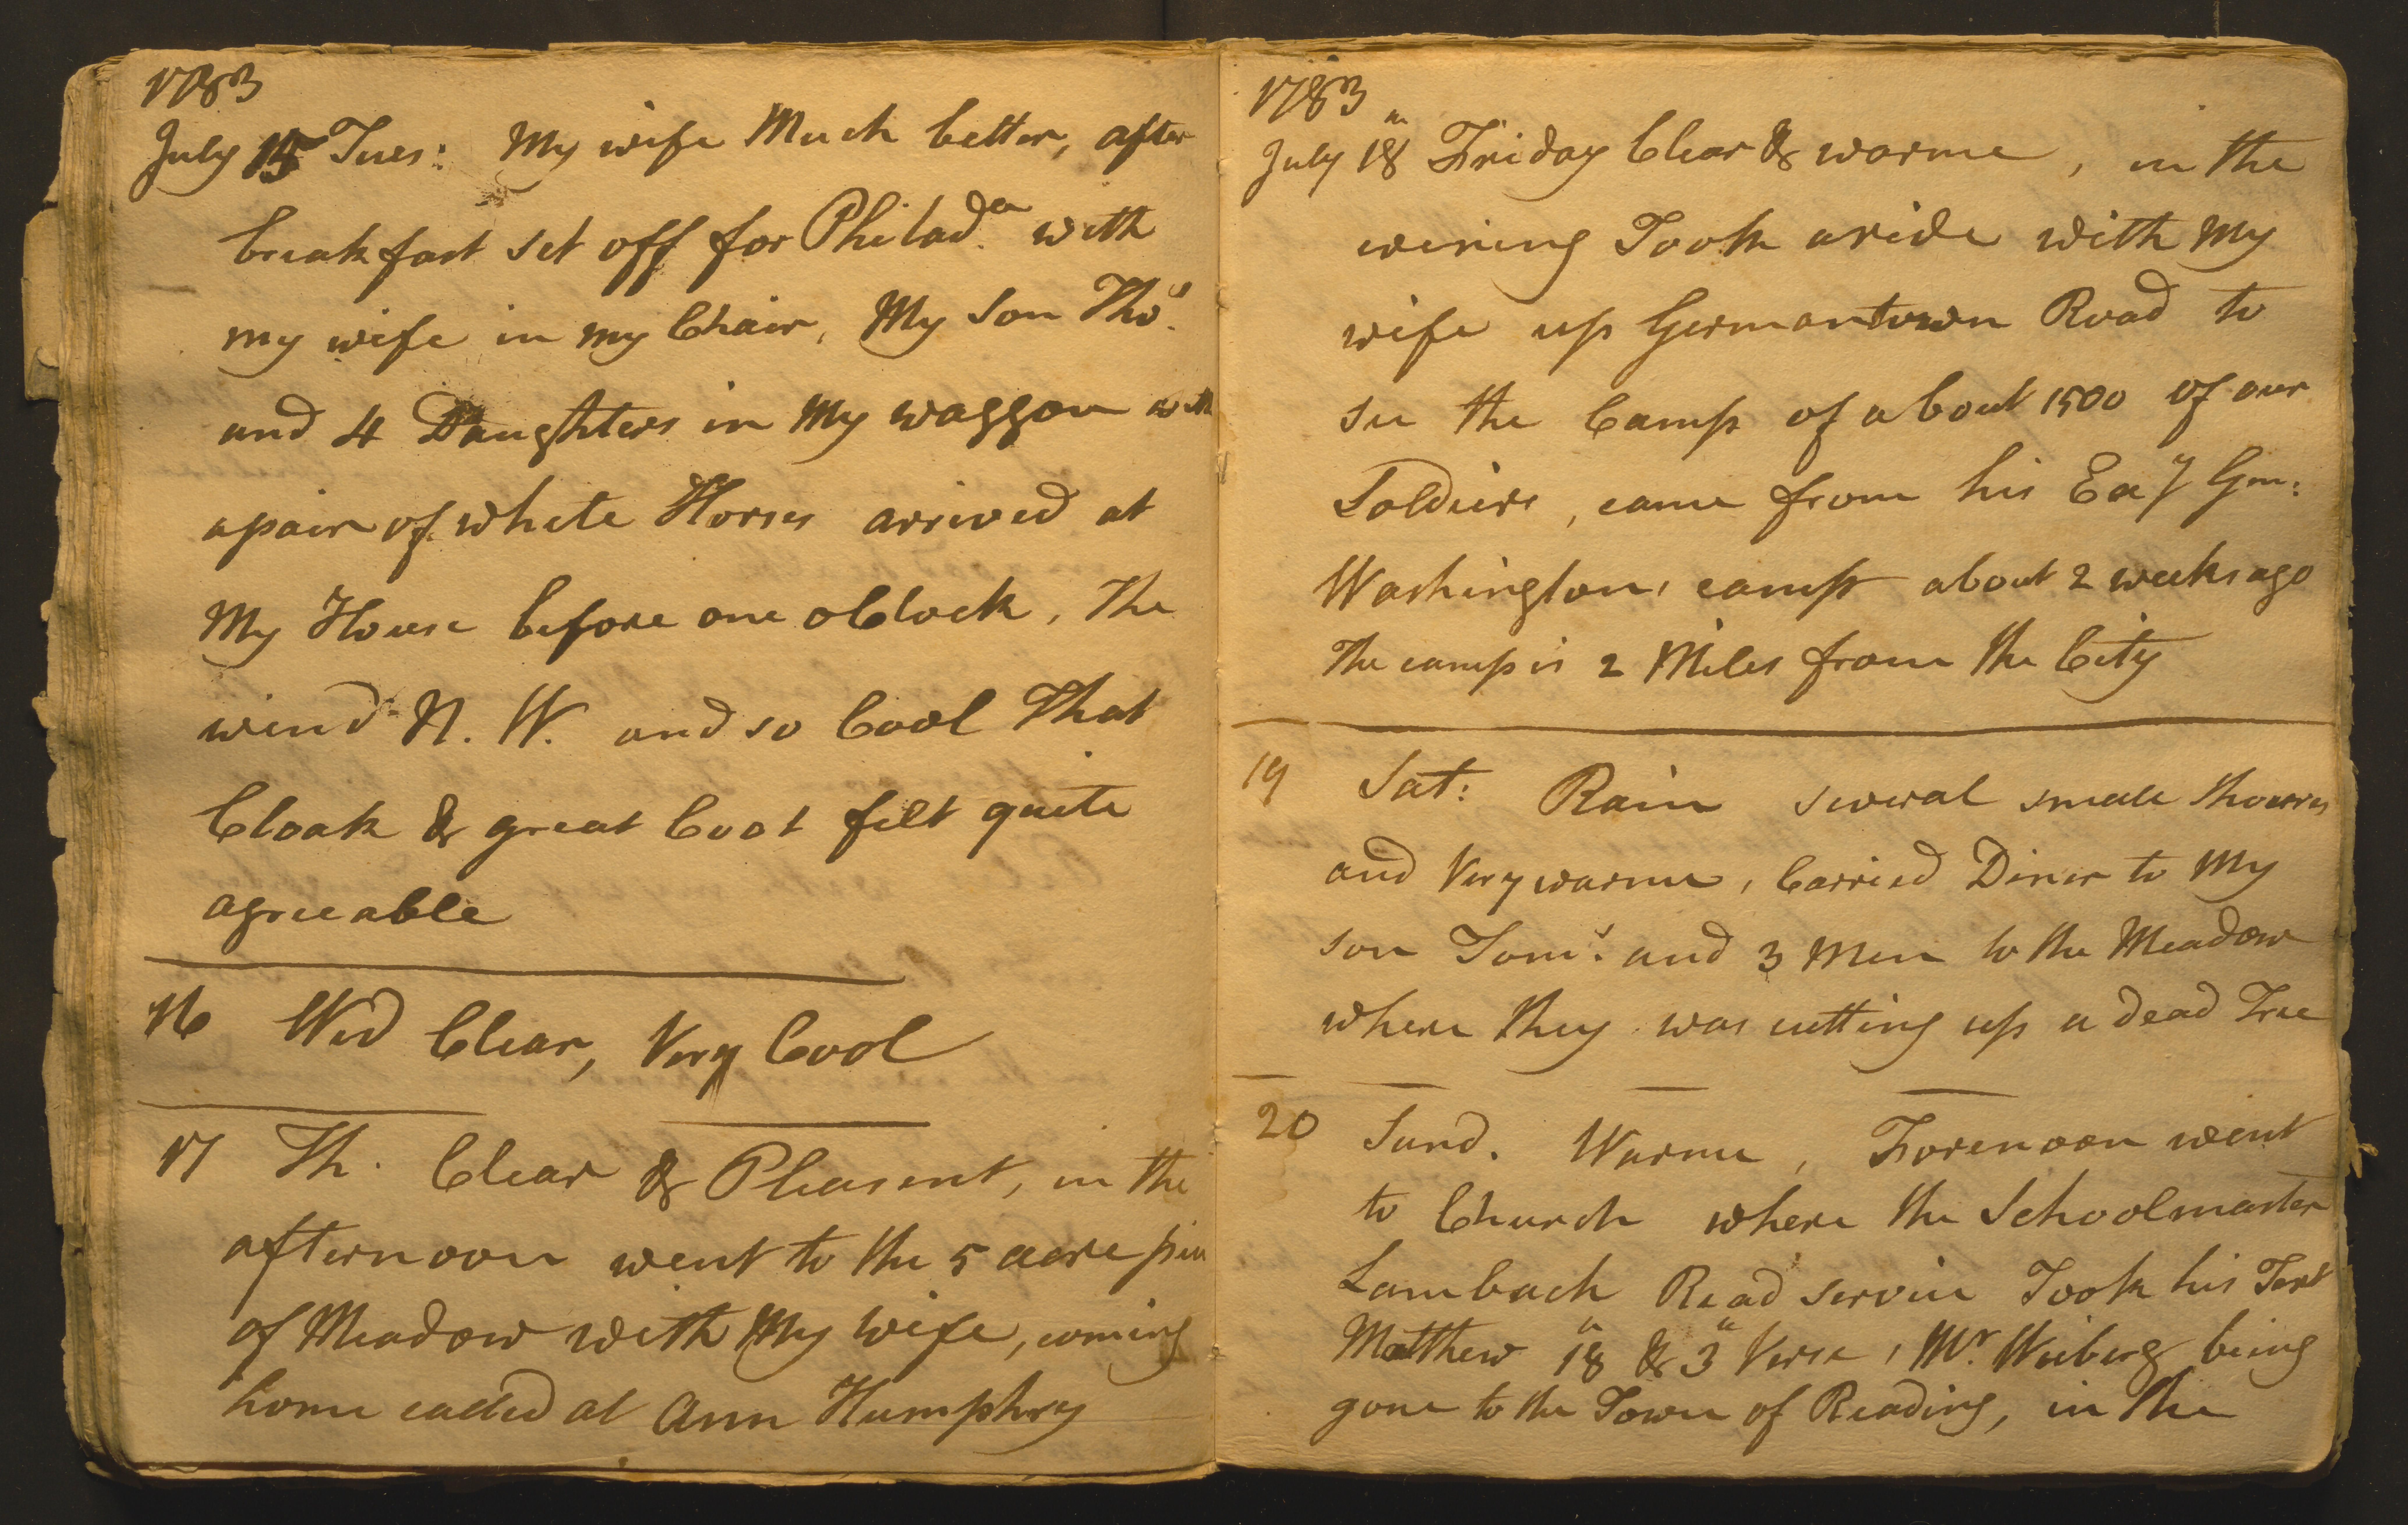1783
July 15 Tues: My wife Much better, after
breakfast set off for Philad^a. with
my wife in my Chair, My son Tho^s.
and 4 Daughters in My waggon with
a pair of White Horses arrived at
My House before one oClock, The
wind N. W. and so Cool that
Cloak & great Coat felt quite
agreeable
16 Wed Clear, Very Cool
17 Th. Clear & Pleasent, in the
afternoon went to the 5 acre pice
of Meadow with My wife, coming
home called at Ann Humphry
1783
July 18^th Friday Clear & warme, in the
evening Took a ride with My
wife up Germantown Road to
see the Camp of about 1500 of our
Soldiers came from his Ex^y Gen:
Washingtons camp about 2 weeks ago
The camp is 2 Miles from the City
19 Sat: Rain several small shoures
and Very warme, Carried Diner to My
Son Tom^s. and 3 Men to the Meadow
where they was cutting up a dead Tree
20 Sund. Warme, Forenoon went
to Church where the Schoolmaster
Lamback Read servin Took his Ter
Matthew 18^th & 3^th Verse, M^r. Weiberg being
gone to the Town of Reading, in the